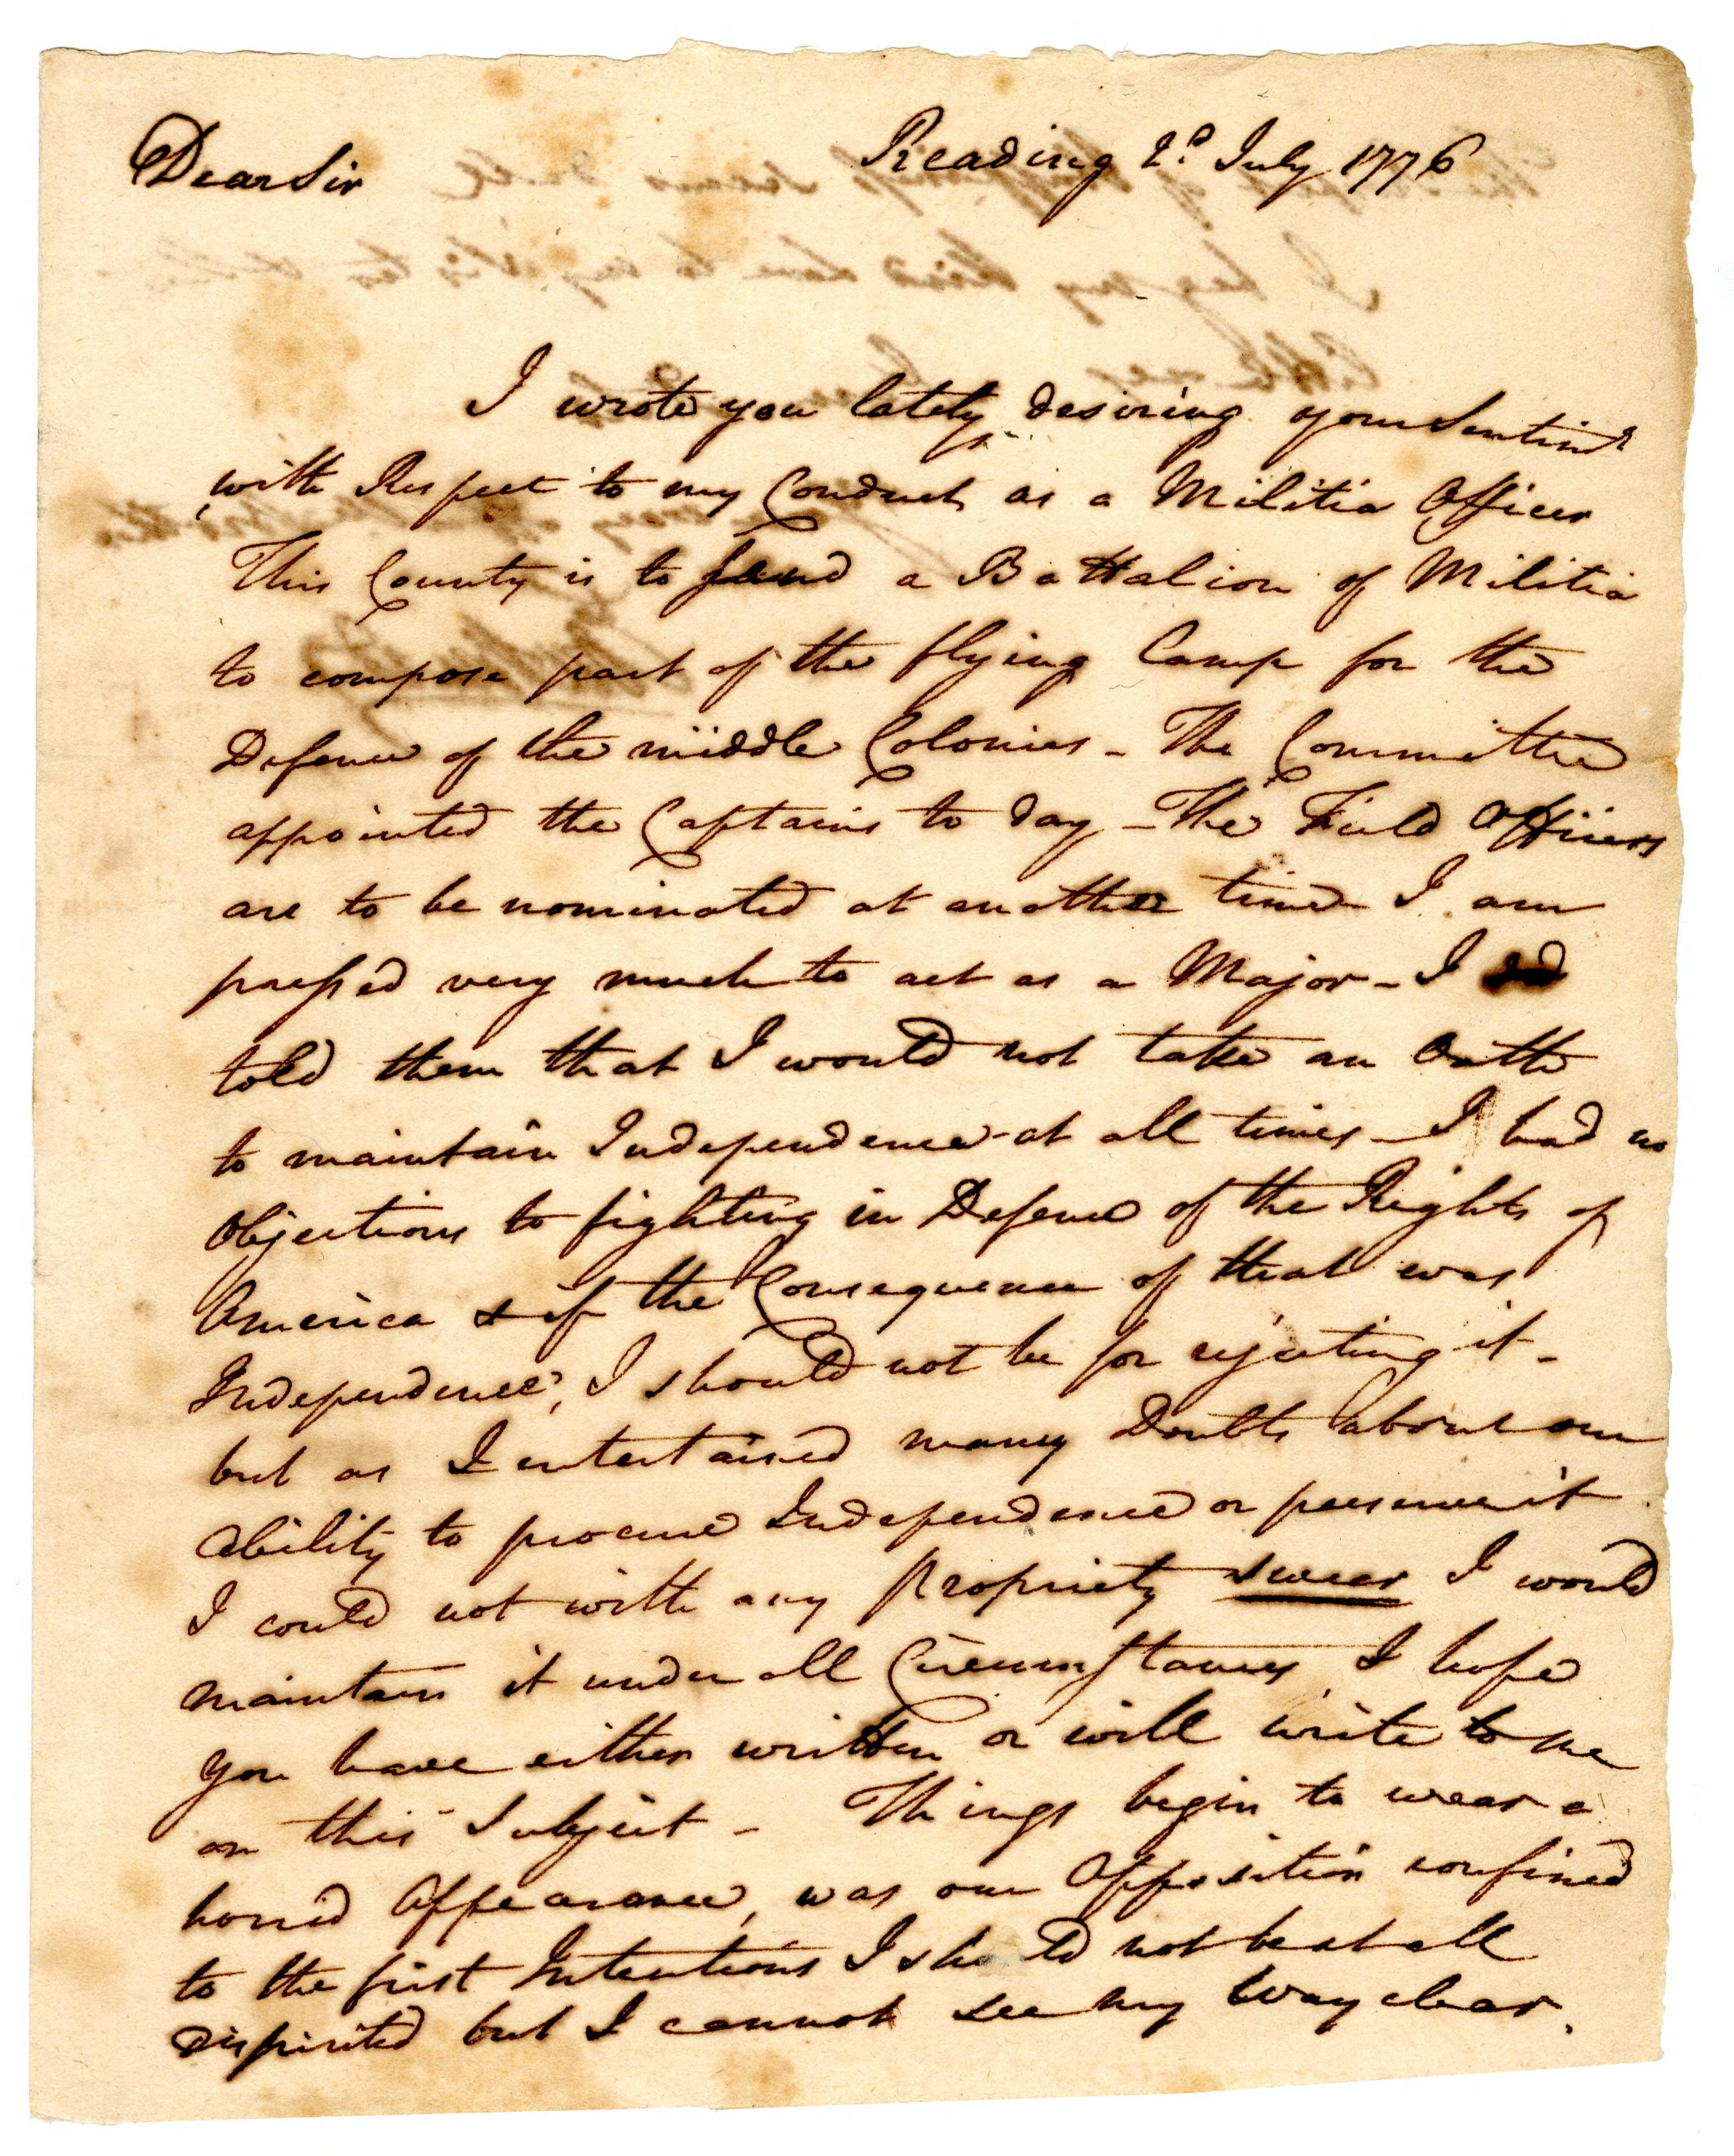Reading 2^d. July 1776
Dear Sir
I wrote you lately desiring your Sentiment
with Respect to my Conduct as a Militia Officer
This County is to send a Battalion of Militia
to compose part of the flying Camp for the
Defence of the middle Colonies. The Committee
appointed the Captains to day. The Field officers
are to be nominated at another time. I am
paessed very much to act as a Major. I [__]
told them that I would not take an Oath
to maintain Independence at all times. I bad us
Objections to fighting in Defence of the Rights of
America & if the Consequence of that was
Independence; I should not be for rejecting it,
but as I entertained many Doubts about our
Ability to procure Independence or preserve it
I could not with any propriety swear I would
maintain it under all Circumstances. I hope
you have either written or will write to me
on this Subject. Things begin to wear a
horrid Appearance, was our Opposition confined
to the first Intentions I should not be at all
dispirited but I cannot see any way clear.